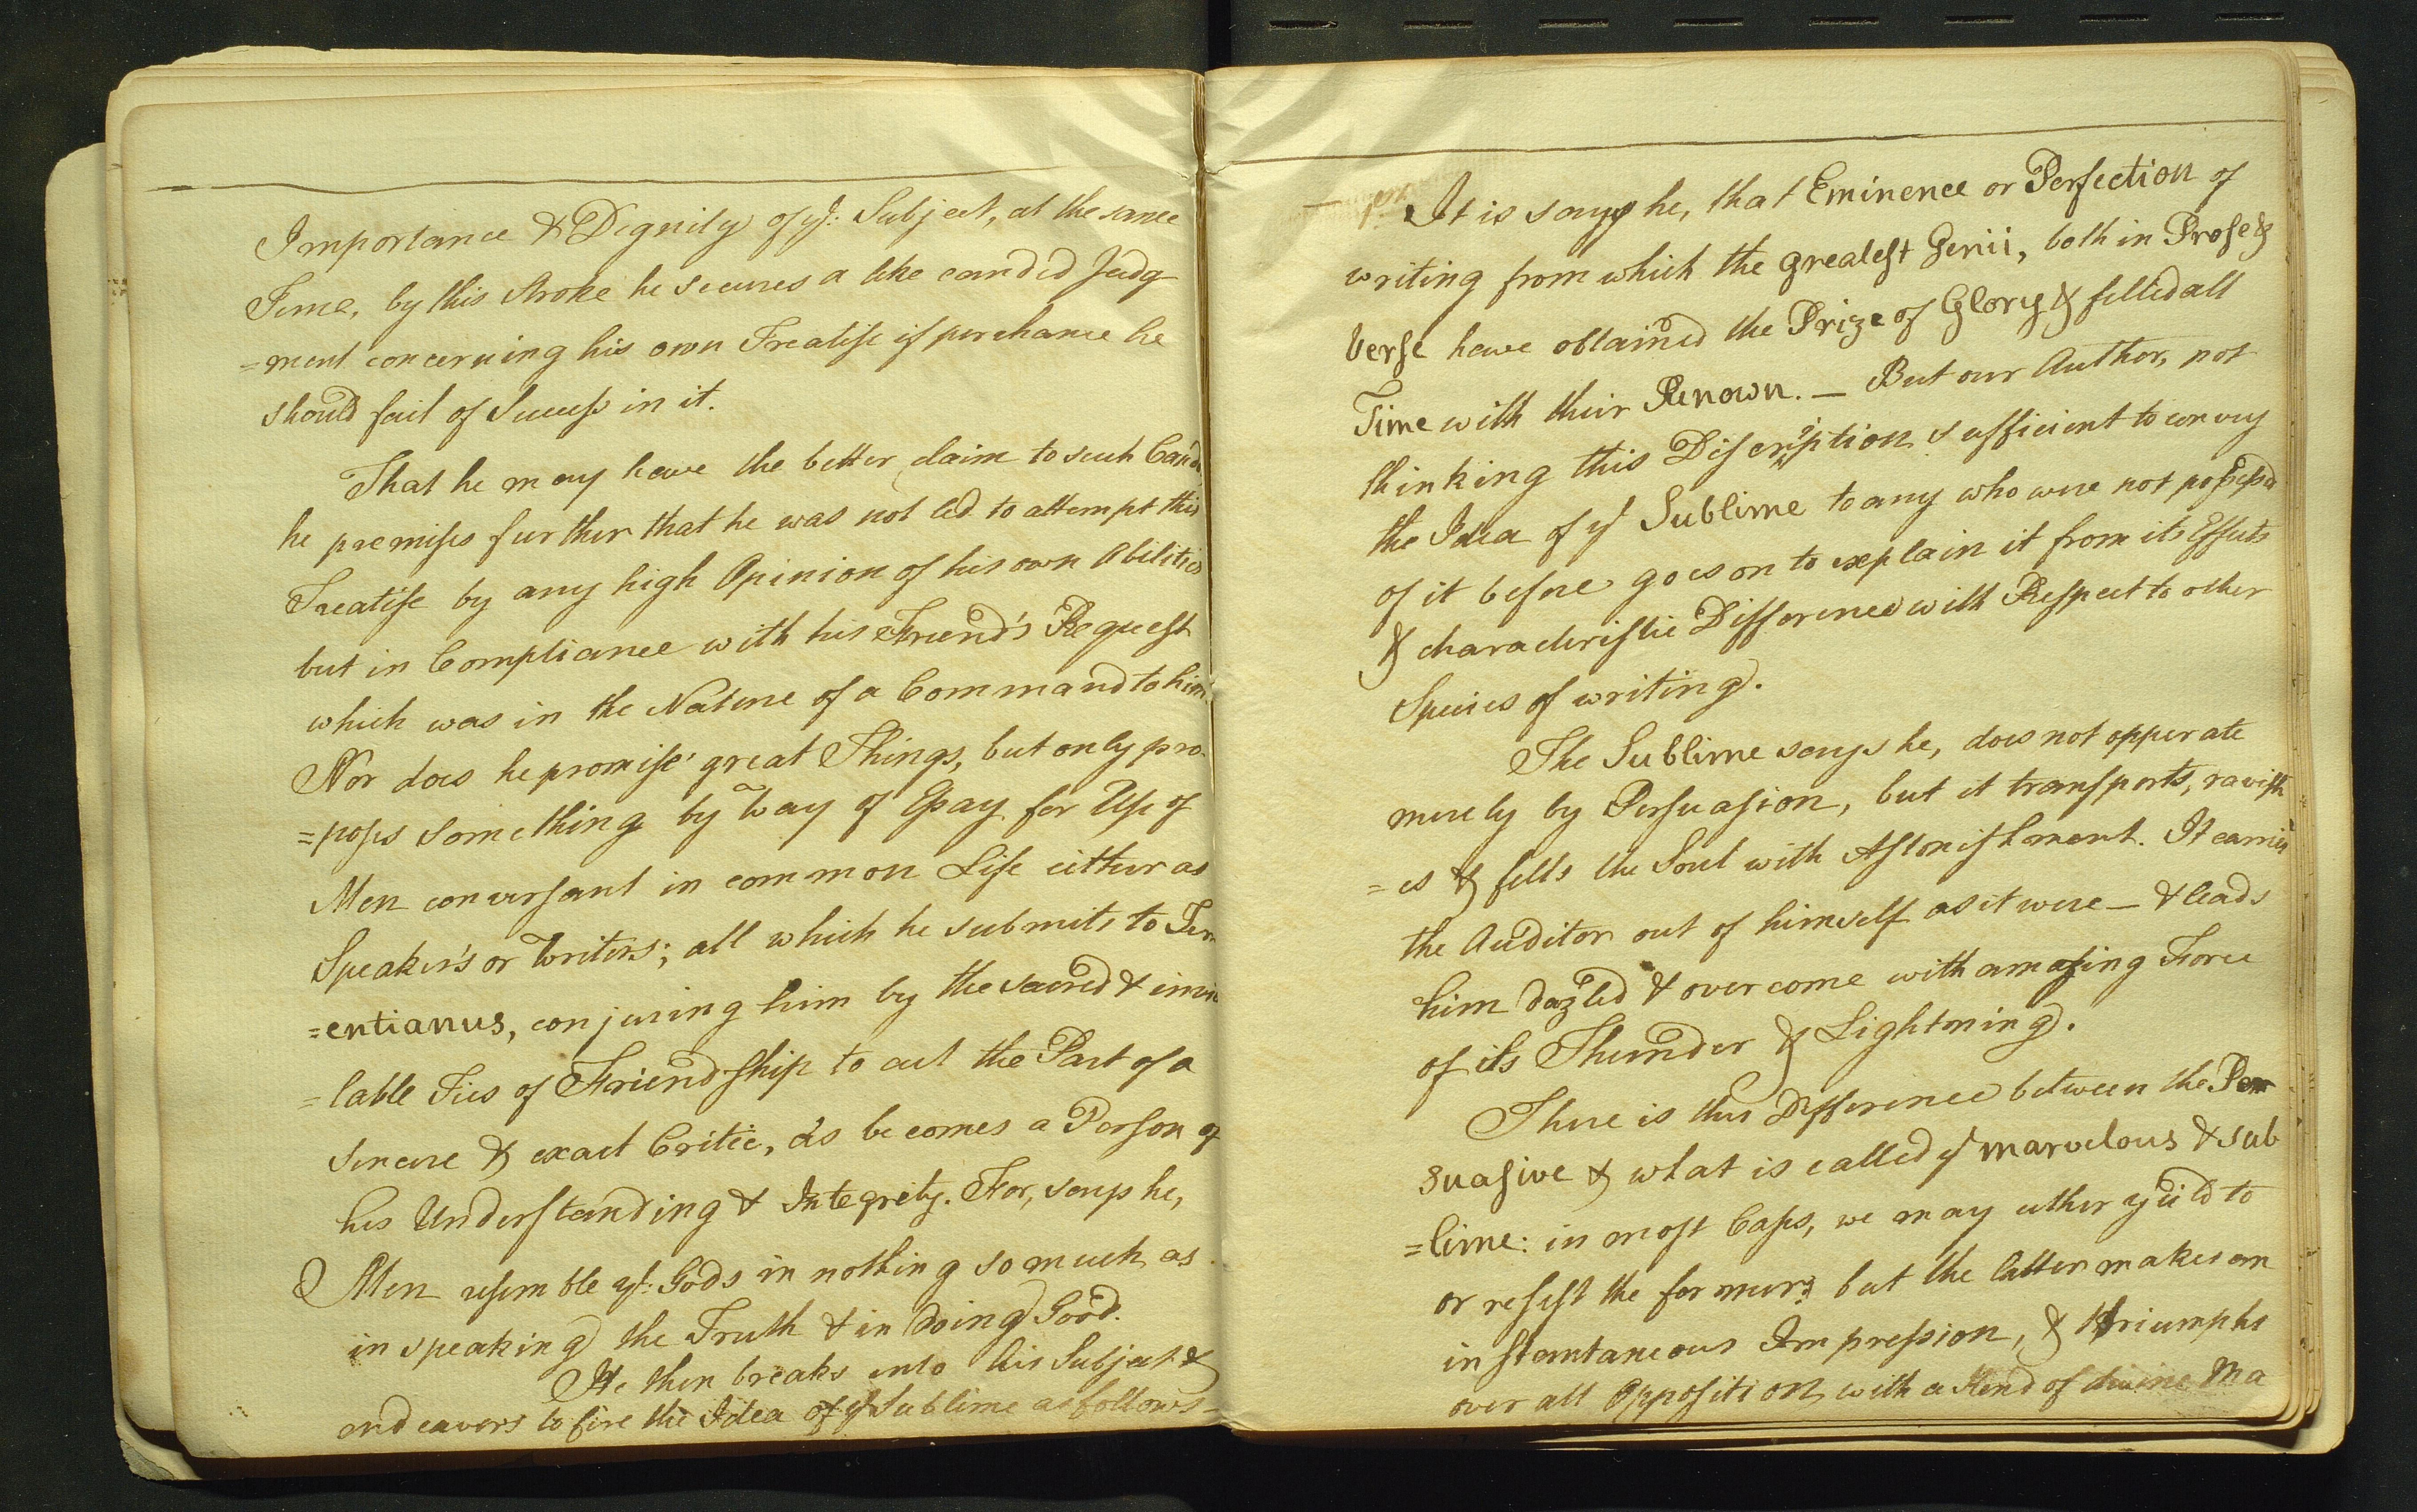Importance & Dignity of y^e: Subject, at the same
time, by this Stroke he secures a like candid Judg
-ment concerning his own Treatise if perchance he
should fail of Success in it.
That he may have the better claim to such Candor
he premises further that he was not led to attempt this
Treatise by any high Opinion of his own Abilities
but in Compliance with his Friend's Request
which was in the Nature of a Command to him
Nor does he promise great Things, but only pro
-poses something by way of Essay for Use of
Men conversant in common Life either as
Speaker's or Writers; all which he submit, to Ten
-entianus, conjuring him by the sacred & invio
-lable Ties of Friendship to act the Part of a
Sincere & exact Critic, as becomes a Person of
his understanding & Integrity. For, says he,
Men resemble y^e: Gods in nothing so much as
in speaking the Truth & in doing Good.
He then breaks into his Subject &
endeavors to fire the Idea of y^e Sublime as follows-
It is says he, that Eminence or Perfection of
writing from which the greatest Genii, both in Prose &
Verse have obtained the Prize of Glory & filled all
Time with their Renown.- But our Author, not
thinking this Descr^iption sufficient to convey
the Idea of y^e Sublime to any who were not possessed
of it before goes on to explain it from its Effects
& characteristic Difference with Respect to other
Species of writing.
The Sublime says he, does not opperate
merely by Persuasion, but it transports, ravish
-es & fells the Soul with Astonishment. It carries
the Auditor out of himself as it were – & leads
him dazled & overcome with amassing Force
of its Thunder & Lightning.
There is this Difference between the Per
suasive & what is called y^e marvelous & sub
-lime: in most Cases, we may either yield to
or resist the former: but the latter makes an
instantaneous Impression, & triumphs
over all Oppositions with a kind of divine Ma